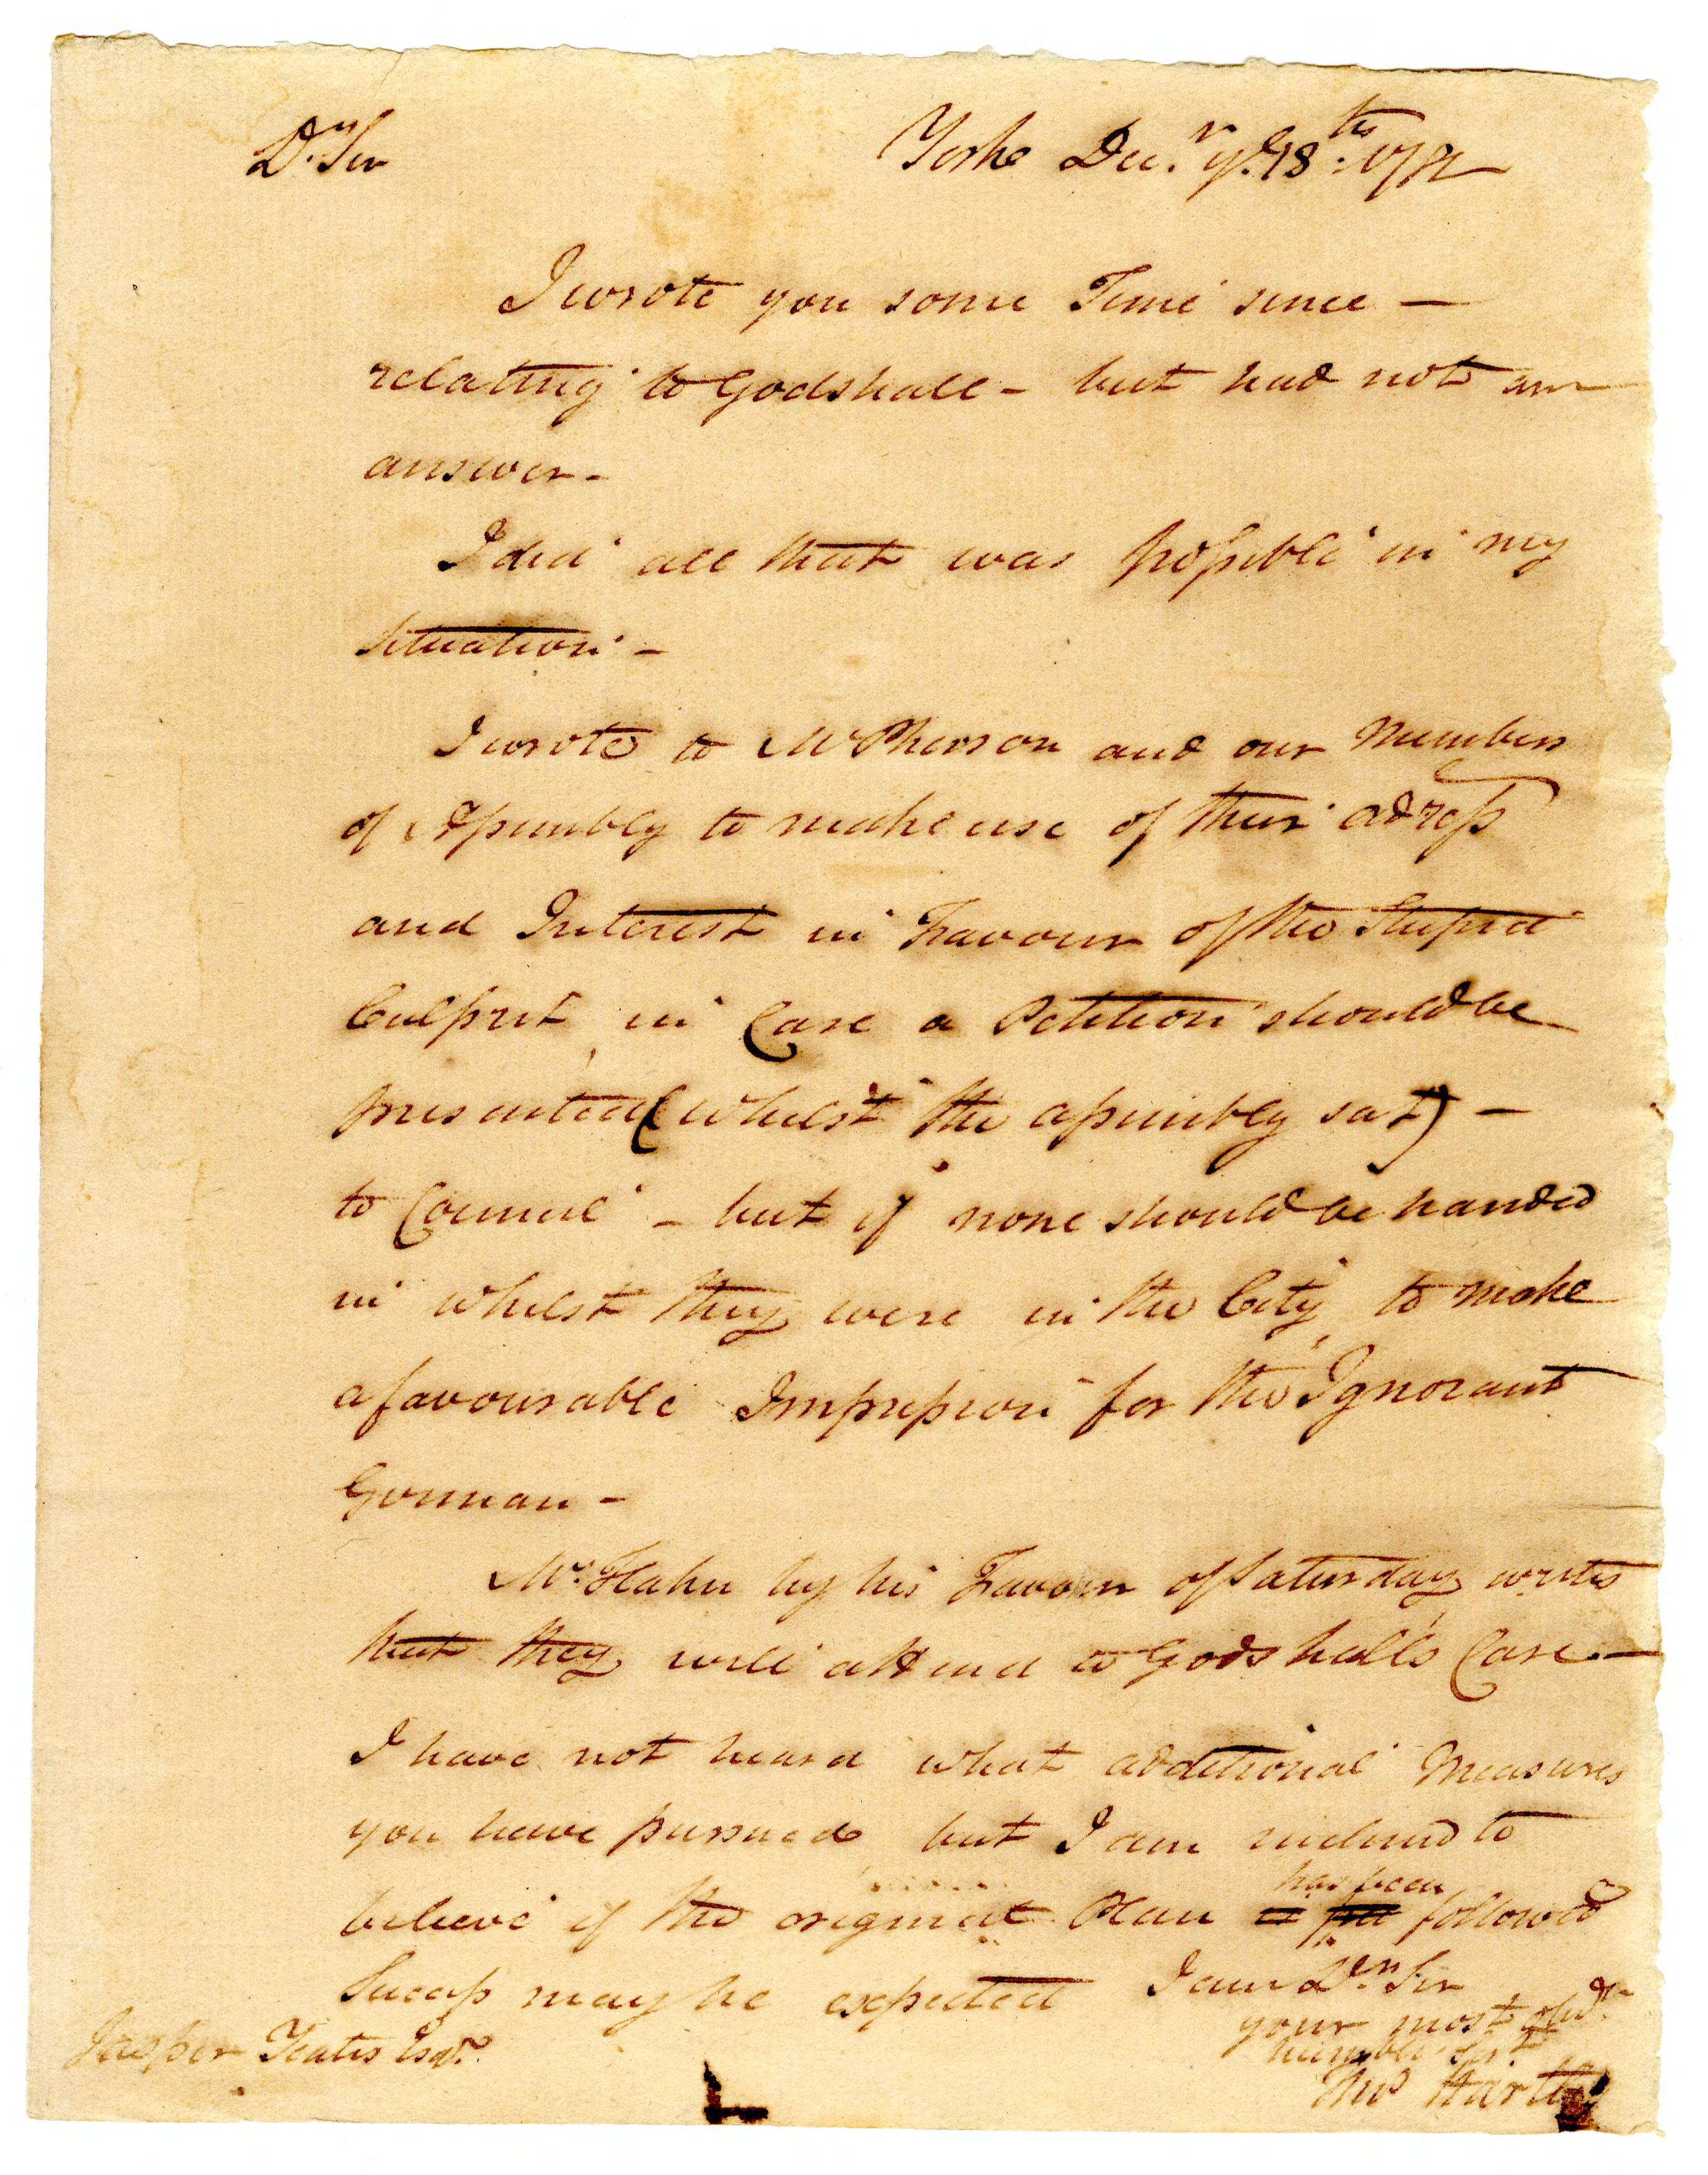Yorke Dec^r. y^e 18^th 1781
D^r. Sir
I wrote you some Time since
relating to Godshall, but had not any
answer.
I did all that was possible in my
Situation.
I wrote to M^cPherson and our Members
of Assembly to make use of their adress
and Interest in Favour of the Stupid
Culprit in Case a Petition should be
presented (whilst the assembly sat)
to Council, but if none should be handed
in Whilst they, were in the City, to make
a favourable Impression for the Ignorant
German.
M^r. Flakes by his Favor of Saturday writes
that they will all end to Godshalls Care.
I have not heard what additional measures
you have pursued but I am reduced to
has been
believe if the original Plan is from ^ followed
Success may be expected
I am D^r Sir
your most obed^t.
humble serv^t
Tho^s. Hartley
Jasper Yeates Esq^r.